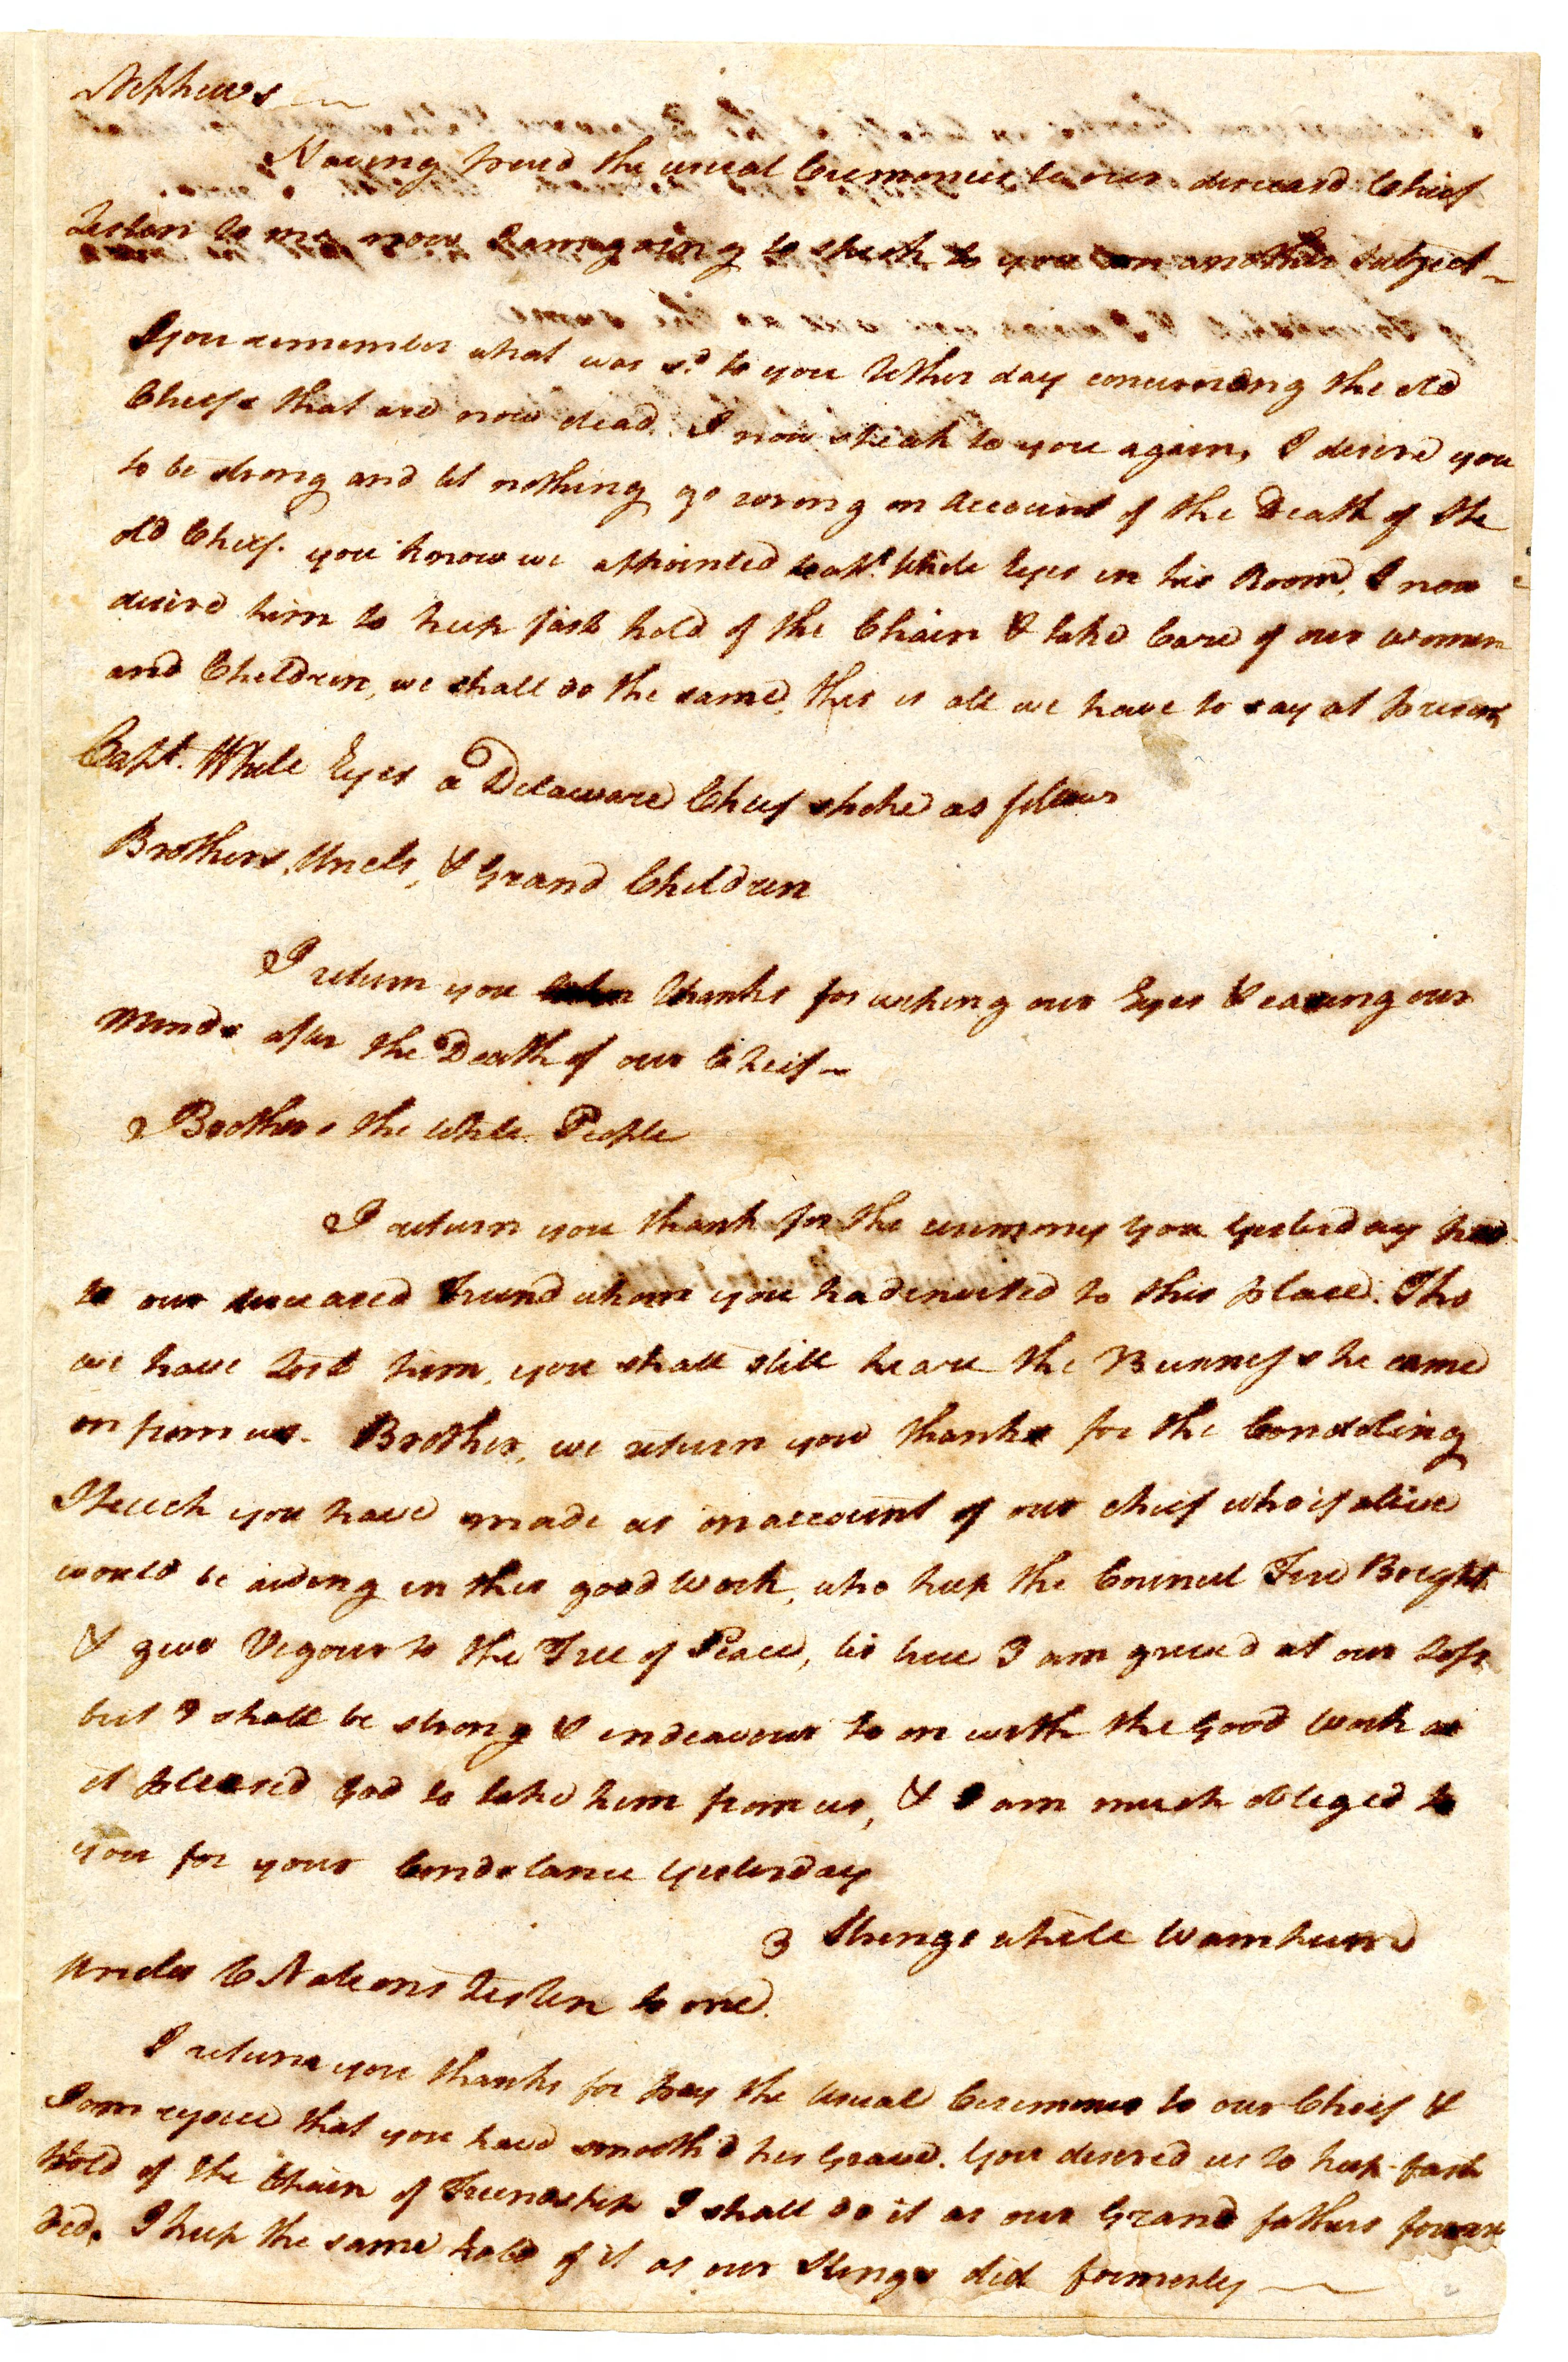Nephews
Having paid the usual Ceremonies to our deceased Chief
Listen to me now I am going to speak to you upon another subject
You remember what was s^d. to you other day concerning the old
Chiefs that are now dead. I now speak to you again, I desire you
to be strong and let nothing go wrong on account of the death of the
old Chief. you know we appointed [___] White Eyes in his Boom, I now
desire him to keep fast hold of the Chain & take Care of our women
and Children, we shall do the same, this is all we have to say at present
Capt. White Eyes a Delaware Chief spoke as follows
Brothers, Uncles, & Grand Children
I return you [____] thanks for wiping our Eyes & easing our
minds after the Death of our Cheif-
Brothers, the white People
I return you thank in the ceremonies you yesterday paid
to our deceased Friend whom you had invited to this Place. Tho
we have Lost him you shall still hear the Business he came
on from us. Brother, we return you thanks for the Condoling
speech you have made as on account of our chief who if alive
would be aiding in this good work, who keep the Council Fire Bright
& give Vigour to the Tree of Peace, tis here I am grieved at our Loss
but I shall be strong & endeavour to on with the Good work as
it pleased God to take him from us, & I am much obliged to
you for your Condolance yesterday
3 Strings white wampum
Uncles 6 Nations Listen to me.
I return you thanks for pay the usual Ceremones to our Chief &
I am rejoiced that you have smooth'd his Grave. You desired us to keep fast
Hold of the Chain of Friendship I shall do it as our Grand fathers foun-
ded. I keep the same hold of it as our Stinge did formerly-